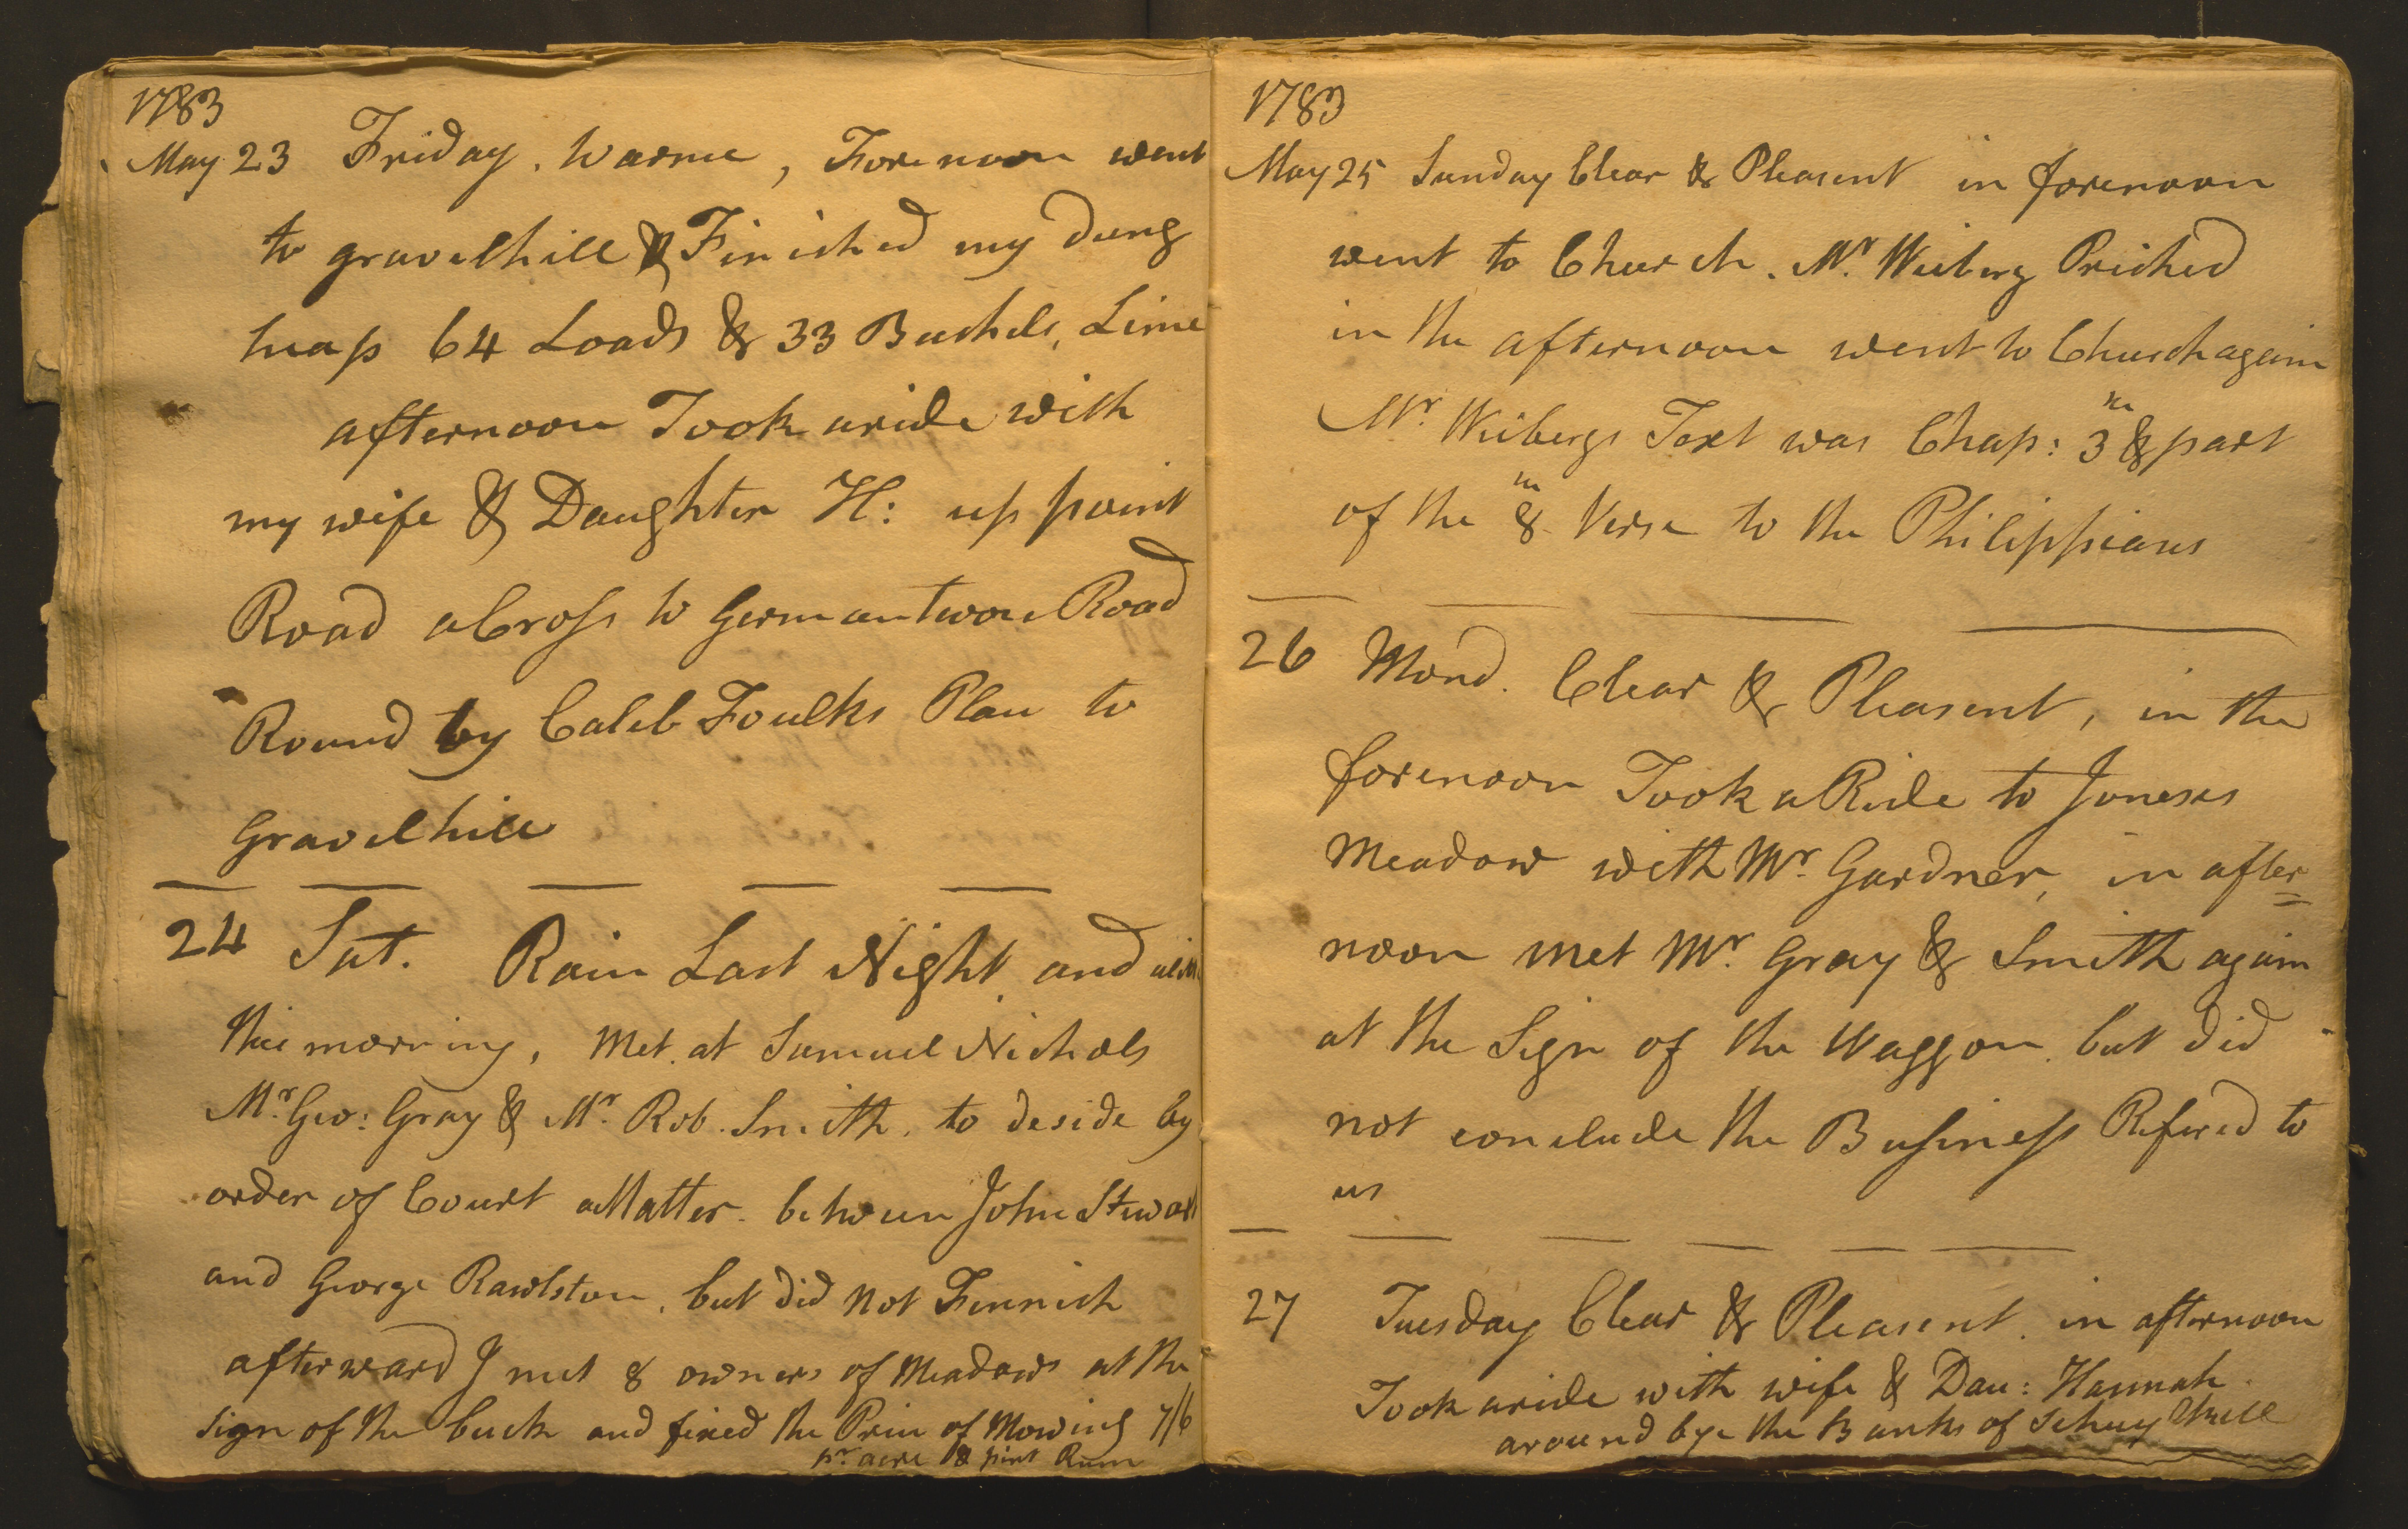1783
May 23 riday, warme, Forenoon went
to gravelhill & Finished my dung
hap 64 Loads & 33 Bushels, Lime
afternoon Took a ride with
my wife & Daughter H: up point
Road a Cross to Germantwon Road
Round by Calel Foulks Plan to
Gravelhill
24 Sat. Rain Last Night and a little
this morning, Met at Samuel Nichols
M^r. Geo: Gray & M^r. Rob. Smith, to deside by
order of Court a Matter between John Stewart
and George Rawlston, but did Not Finnish
afterward I met 8 owners of Meadows at the
sign of the buck and fixed the Price of Mowing 7s6
p^r. acre & pint Rum
1783
May 25 Sunday Clear & Pleasent in forenoon
went to Church, M^r. Weiberg Priched
in the afternoon went to Church again
M^r. Weibergs Text was Chap: 3^th & part
of the 8^th Verse to the Philippeans
26 Mond. Clear & Pleasent, in the
forenoon Took a Ride to Joneses
Meadow with M^r. Gardner in after
noon met M^r. Gray & Smith again
at the Sign of the Waggon but did
not conclude the Business Refered to
us
27 Tuesday Clear & Pleasent in afternoon
Took a ride with wife & Dau: Hannnah
around bye the Banks of Schuylkill